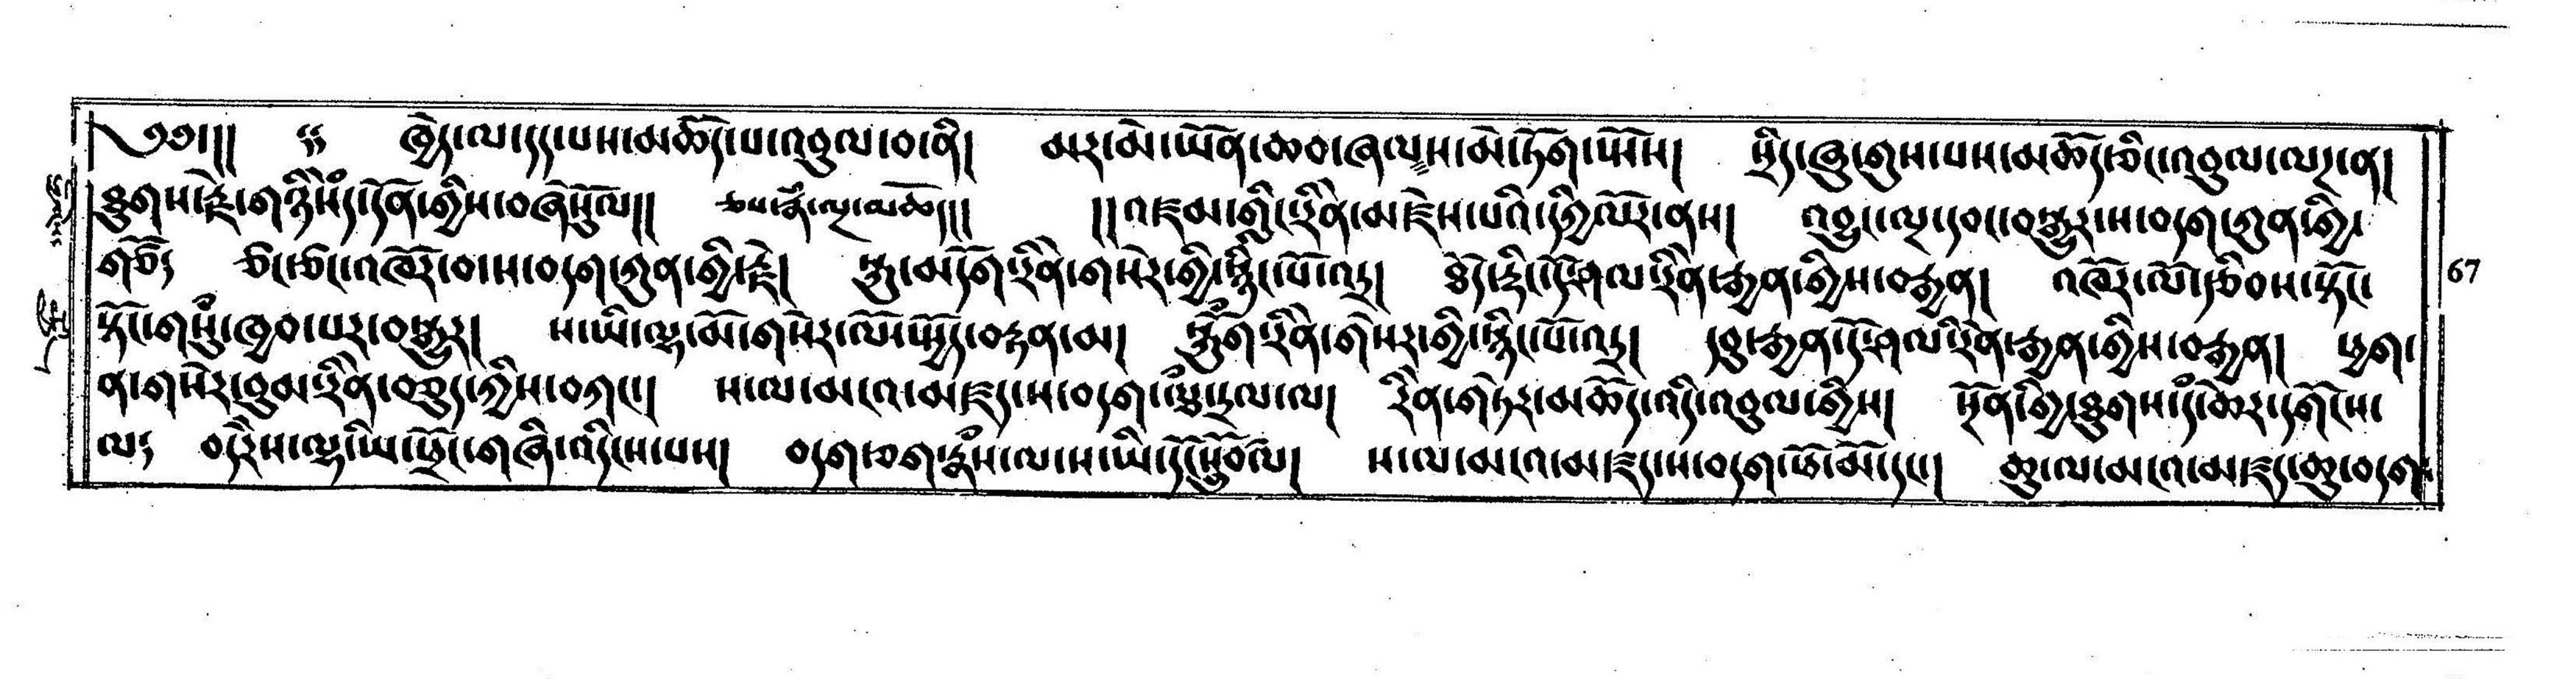ཁྱེད་ལ་དད་པས་མཆོད་པ་འབུལ་བ་ནི། མར་མེ་ཡོན་ཆབ་ཞལ་ཟས་མེ་ཏོག་སྤོས། སྲིད་ཞུ་གུས་པས་མཆོད་ཅིང་འབུལ་ལགས་ན། 
ཐུགས་རྗེ་གཉིས་མེད་དོན་གྱིས་བཞེས་སུ་གསོལ།། ཅེས་རྣམ་ལྔ་མཆོད།། །།འཛམ་གླིང་རིན་ཆེན་མཛེས་པའི་དཀྱིལ་འཁོར་ནས། འབྱུང་ལྔ་དབང་བསྒྱུར་ས་བདག་ཀུན་གྱི་
གཙོ། ཙང་ཙང་འཁོར་བ་ས་བདག་ཀུན་གྱི་རྗེ། སྐུ་མདོག་རིན་ཆེན་གསེར་གྱི་སྙིང་པོ་འདྲ། ཐོད་རྡིང་དོ་ཤལ་རིན་ཆེན་རྒྱན་གྱིས་བརྒྱན། འཁོར་ལོ་རྩིབས་སྟོང་
སྟོང་གསུམ་ཁྱབ་པར་བསྒྱུར། ས་ཡི་ལྷ་མོ་གསེར་ལོ་སྤྱོད་བརྟན་མ། སྐུ་མདོག་རིན་ཆེན་གསེར་གྱི་སྙིང་པོ་འདྲ། དབུ་རྒྱན་དོ་ཤལ་རིན་ཆེན་རྒྱན་གྱིས་བརྒྱན། ཕྱག་
ན་གསེར་བུམ་རིན་ཆེན་བཅུད་ཀྱིས་བཀང་། ས་ལ་མངའ་མཛད་ས་བདག་ལྕམ་དྲལ་ལ། རིན་ཆེན་གཏེར་མཆོད་འདི་འབུལ་གྱིས། སྔོན་གྱི་ཐུགས་དམ་ཆེར་དགོངས་
ལ། བདེར་གཤེགས་ལྷ་ཡི་ཕོ་བྲང་གཞི་འདིངས་པས། བདག་ཅག་རྣམས་ལ་ས་ཡི་དངོས་གྲུབ་སྩོལ། ས་ལ་མངའ་མཛད་ས་བདག་ཕོ་མོ་དང་། ཆུ་ལ་མངའ་མཛད་ཆུ་བདག་